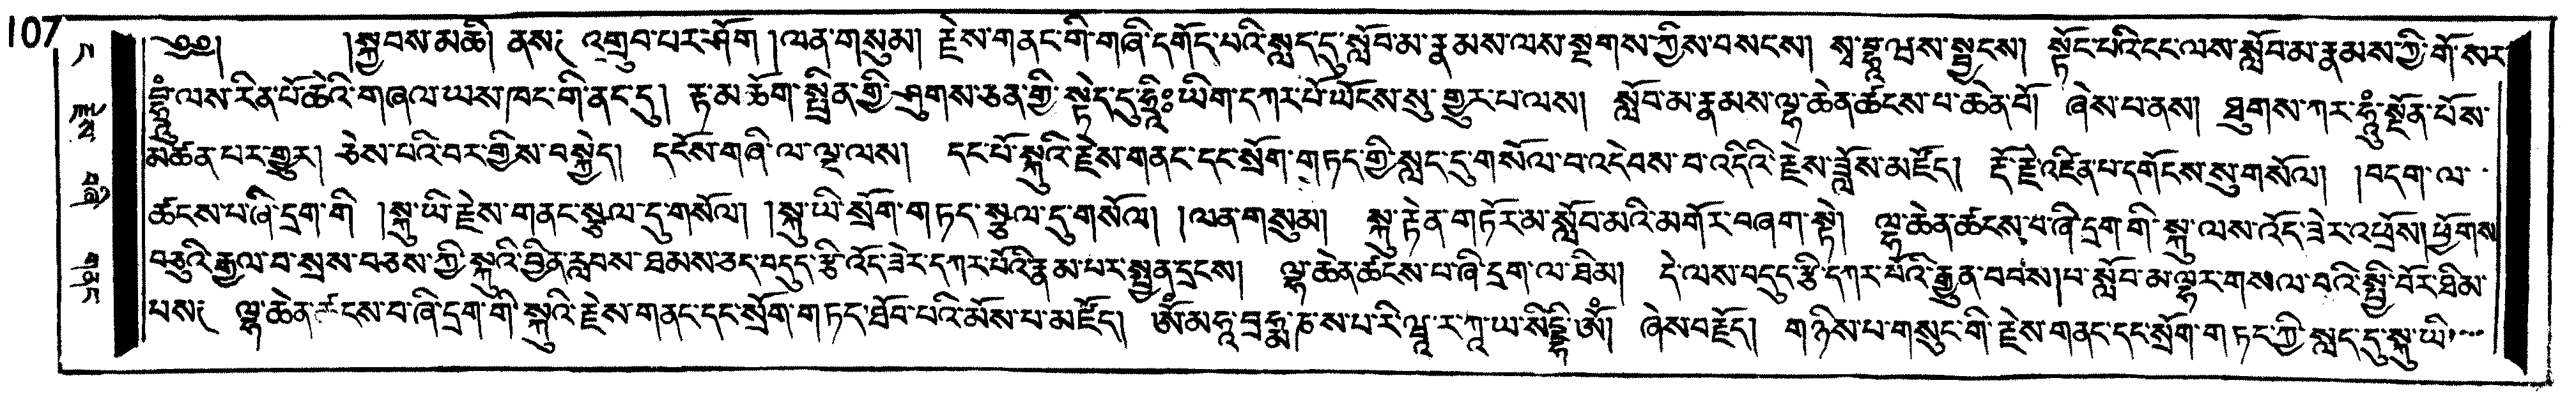༄༅། །སྐྱབས་མཆི། ནས༑ འགྲུབ་པར་ཤོག །ལན་གསུམ། རྗེས་གནང་གི་གཞི་དགོད་པའི་སླད་དུ་སློབ་མ་རྣམས་ལས་སྔགས་ཀྱིས་བསངས། སྭ་བྷཱ་ཝས་སྦྱངས། སྟོང་པའི་ངང་ལས་སློབ་མ་རྣམས་ཀྱི་གོ་སར་
བྷྲཱུཾ་ལས་རིན་པོ་ཆེའི་གཞལ་ཡས་ཁང་གི་ནང་དུ། རྟ་མཆོག་སྤྲིན་གྱི་ཤུགས་ཅན་གྱི་སྟེང་དུ་ཧྲཱིཿ ཡིག་དཀར་པོ་ཡོངས་སུ་གྱུར་པ་ལས། སློབ་མ་རྣམས་ལྷ་ཆེན་ཚངས་པ་ཆེན་པོ། ཞེས་པ་ནས། ཐུགས་ཀར་ཧཱུཾ་སྔོན་པོས་
མཚན་པར་གྱུར། ཅེས་པའི་བར་གྱིས་བསྐྱེད། དངོས་གཞི་ལ་ལྔ་ལས། དང་པོ་སྐུའི་རྗེས་གནང་དང་སྲོག་གཏད་གྱི་སླད་དུ་གསོལ་བ་འདེབས་པ་འདིའི་རྗེས་ཟློས་མཛོད། རྡོ་རྗེ་འཛིན་པ་དགོངས་སུ་གསོལ། །བདག་ལ་
ཚངས་པ་ཞི་དྲག་གི །སྐུ་ཡི་རྗེས་གནང་སྩལ་དུ་གསོལ། །སྐུ་ཡི་སྲོག་གཏད་སྩལ་དུ་གསོལ། །ལན་གསུམ། སྐུ་རྟེན་གཏོར་མ་སློབ་མའི་མགོར་བཞག་སྟེ། ལྷ་ཆེན་ཚངས་པ་ཞི་དྲག་གི་སྐུ་ལས་འོད་ཟེར་འཕྲོས། ཕྱོགས་
བཅུའི་རྒྱལ་བ་སྲས་བཅས་ཀྱི་སྐུའི་བྱིན་རླབས་ཐམས་ཅད་བདུད་རྩི་འོད་ཟེར་དཀར་པོའི་རྣམ་པར་སྤྱན་དྲངས། ལྷ་ཆེན་ཚངས་པ་ཞི་དྲག་ལ་ཐིམ། དེ་ལས་བདུད་རྩི་དཀར་པོའི་རྒྱུན་བབས། པ་སློབ་མ་ལྷར་གསལ་བའི་སྤྱི་བོར་ཐིམ་
པས༑ ལྷ་ཆེན་ཚངས་བ་ཞི་དྲག་གི་སྐུའི་རྗེས་གནང་དང་སྲོག་གཏད་ཐོབ་པའི་མོས་པ་མཛོད། ཨོཾ་མཧཱ་བྲཧྨ་ཎ་ས་པ་རི་ཝཱ་ར་ཀཱ་ཡ་སིདྡྷི་ཨོཾ། ཞེས་བརྗོད། གཉིས་པ་གསུང་གི་རྗེས་གནང་དང་སྲོག་གཏད་ཀྱི་སླད་དུ་སྐུ་ཡི་